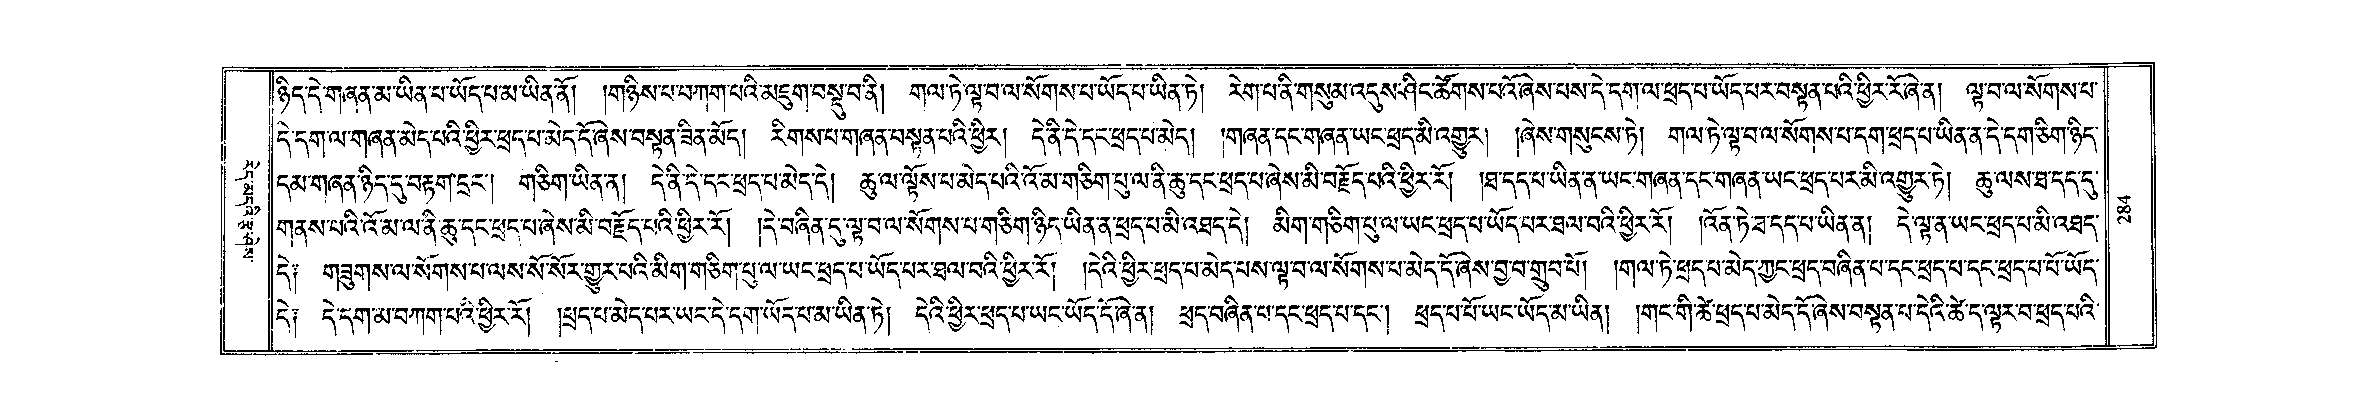ཉིད་དེ་གཞན་མ་ཡིན་པ་ཡོད་པ་མ་ཡིན་ནོ། །གཉིས་པ་བཀག་པའི་མཇུག་བསྡུ་བ་ནི། གལ་ཏེ་ལྟ་བ་ལ་སོགས་པ་ཡོད་པ་ཡིན་ཏེ། རེག་པ་ནི་གསུམ་འདུས་ཤིང་ཚོགས་པའོ་ཞེས་པས་དེ་དག་ལ་ཕྲད་པ་ཡོད་པར་བསྟན་པའི་ཕྱིར་རོ་ཞེ་ན། ལྟ་བ་ལ་སོགས་པ་
དེ་དག་ལ་གཞན་མེད་པའི་ཕྱིར་ཕྲད་པ་མེད་དོ་ཞེས་བསྟན་ཟིན་མོད། རིགས་པ་གཞན་བསྟན་པའི་ཕྱིར། དེ་ནི་དེ་དང་ཕྲད་པ་མེད། །གཞན་དང་གཞན་ཡང་ཕྲད་མི་འགྱུར། །ཞེས་གསུངས་ཏེ། གལ་ཏེ་ལྟ་བ་ལ་སོགས་པ་དག་ཕྲད་པ་ཡིན་ན་དེ་དག་ཅིག་ཉིད་
དམ་གཞན་ཉིད་དུ་བརྟག་དྲང་། གཅིག་ཡིན་ན། དེ་ནི་དེ་དང་ཕྲད་པ་མེད་དེ། ཆུ་ལ་ལྟོས་པ་མེད་པའི་འོ་མ་གཅིག་པུ་ལ་ནི་ཆུ་དང་ཕྲད་པ་ཞེས་མི་བརྗོད་པའི་ཕྱིར་རོ། །ཐ་དད་པ་ཡིན་ན་ཡང་གཞན་དང་གཞན་ཡང་ཕྲད་པར་མི་འགྱུར་ཏེ། ཆུ་ལས་ཐ་དད་དུ་
གནས་པའི་འོ་མ་ལ་ནི་ཆུ་དང་ཕྲད་པ་ཞེས་མི་བརྗོད་པའི་ཕྱིར་རོ། །དེ་བཞིན་དུ་ལྟ་བ་ལ་སོགས་པ་གཅིག་ཉིད་ཡིན་ན་ཕྲད་པ་མི་འཐད་དེ། མིག་གཅིག་པུ་ལ་ཡང་ཕྲད་པ་ཡོད་པར་ཐལ་བའི་ཕྱིར་རོ། །འོན་ཏེ་ཐ་དད་པ་ཡིན་ན། དེ་ལྟ་ན་ཡང་ཕྲད་པ་མི་འཐད་
དེ༑ གཟུགས་ལ་སོགས་པ་ལས་སོ་སོར་གྱུར་པའི་མིག་གཅིག་པུ་ལ་ཡང་ཕྲད་པ་ཡོད་པར་ཐལ་བའི་ཕྱིར་རོ། །དེའི་ཕྱིར་ཕྲད་པ་མེད་པས་ལྟ་བ་ལ་སོགས་པ་མེད་དོ་ཞེས་བྱ་བ་གྲུབ་པོ། །གལ་ཏེ་ཕྲད་པ་མེད་ཀྱང་ཕྲད་བཞིན་པ་དང་ཕྲད་པ་དང་ཕྲད་པ་པོ་ཡོད་
དེ༑ དེ་དག་མ་བཀག་པའི་ཕྱིར་རོ། །ཕྲད་པ་མེད་པར་ཡང་དེ་དག་ཡོད་པ་མ་ཡིན་ཏེ། དེའི་ཕྱིར་ཕྲད་པ་ཡང་ཡོད་དོ་ཞེ་ན། ཕྲད་བཞིན་པ་དང་ཕྲད་པ་དང་། ཕྲད་པ་པོ་ཡང་ཡོད་མ་ཡིན། །གང་གི་ཚེ་ཕྲད་པ་མེད་དོ་ཞེས་བསྟན་པ་དེའི་ཚེ་ད་ལྟར་བ་ཕྲད་པའི་